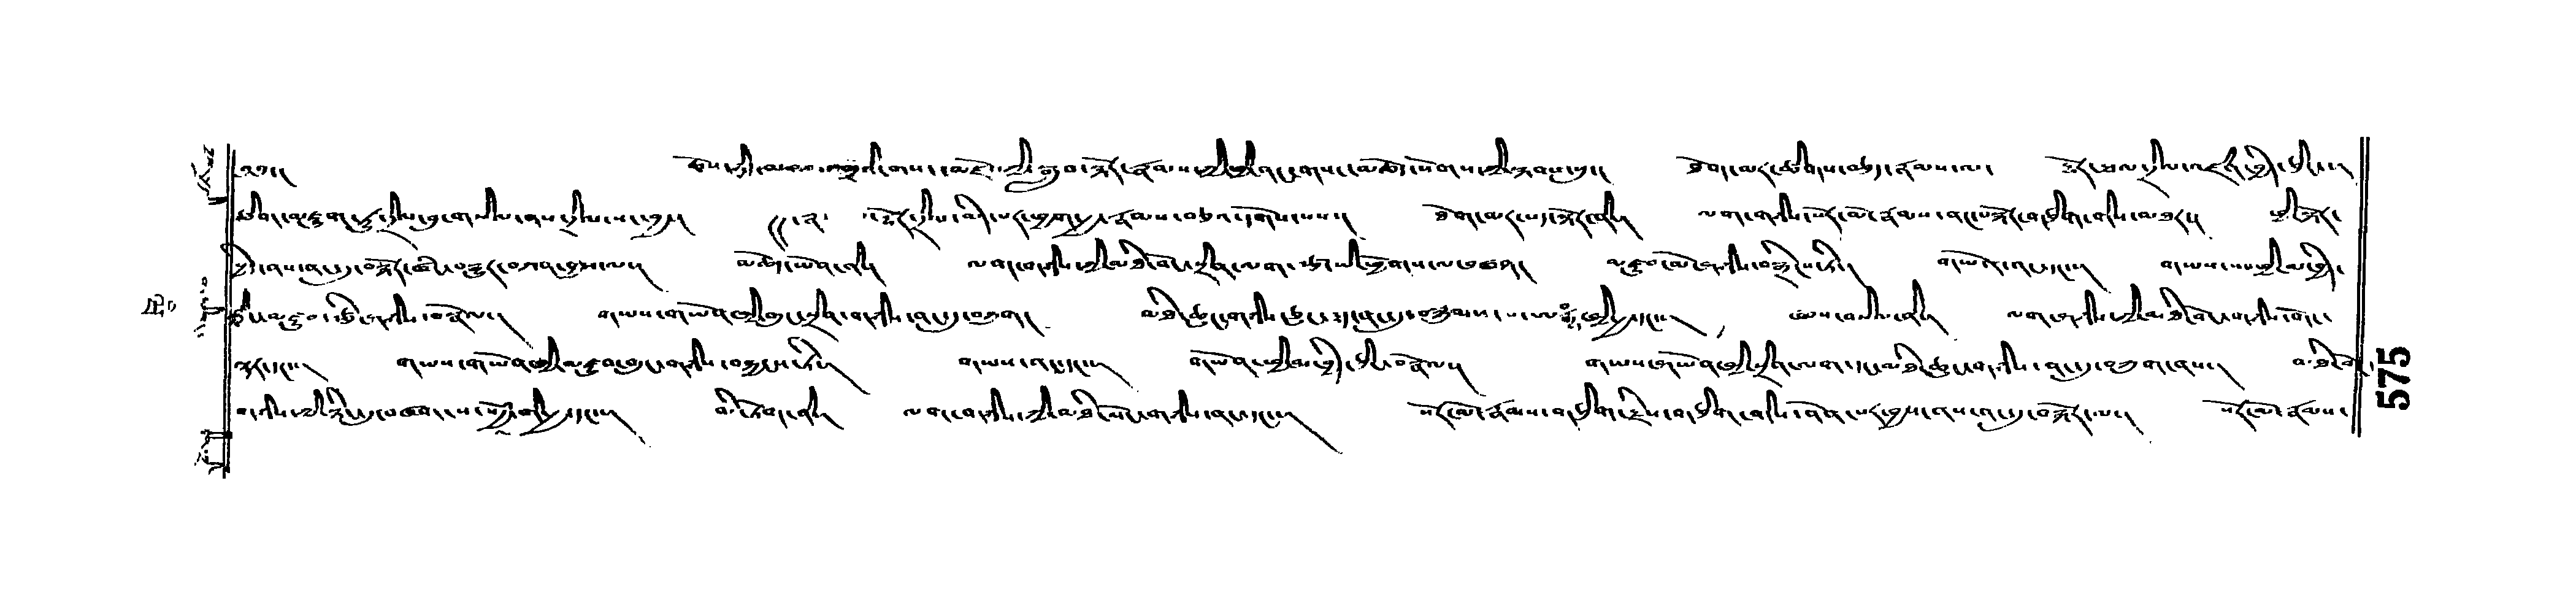ཆོས་ཉིད་མཁའ་འགྲོའི་གསང་མཛོད་ཀྱི་སྒྲུབ་སྐོར་རྣམས་ཀྱི་ཕྱི་ནང་གསང་མཆོད་སོགས་ཀྱི་སྐབས་སུ། ཐོག་མར་ཚིགས་བཅད་རྣམས་ལ། རྡོར་ཐལ་དྲིལ་འཛིན་བྱེད་ཅིང་། 
ཚིག་མཇུག་ཏུ་དྲིལ་བུ་གསིལ་ནས་དྲིལ་སང་བྱ། སྔགས་རྣམསལ། རྡོར་དྲིལ་མེད་པར་ཕྱག་རྒྱ་རྣམས་བཅའ་དགོས་པས། ཐོག་མར་པད་སྐོར་ནི། ལག་གཉིས་སོར་མོ་རྣམས་ནང་བསྐོར་གཅིག་གིས་མཐར། ཕྱི་སྐོར་
བྱས་ནས་ནང་དུ་སྐོར་ཚེ་བསྒྱུར་བཀན་བྱས་ལ། མཆོད་ཡོན་ནི། ལག་གཉིས་ཀྱི་མཐེ་བོང་སྲིན་ལག་རྩ་ཡི་ཕྱོགས་ལ་བཞག མཇུབ་མོ་གཉིས་བསྒྲེངས་ཏེ། གཡོན་ནང་དང་། གཡས་པ་ཕྱི་ལ་བྱེད་
ཅིང་མཛུབ་རྩེ་གཉིས་བསྣོལ། གཡས་གཡོན་གྱི་གུང་སྲིན་གཉིས་ནང་དུ་བཀུག མཐེའུ་ཆུང་གཉིས་ཅུང་ཟད་ནང་དུ་བསྐུམས་པ་ཨརྒྷཾ་གྱི་རྒྱ་དང་། ཞབས་བསིལ་ནི། ལག་གཉིས་ཀྱི་མཐེ་བོང་གཉིས་གོང་
ལྟར་དང་། གཡས་གཡོན་གྱི་མཛུབ་གུང་གཉིས་བརྐྱངས་ཏེ། གཡས་ནང་དང་། གཡོན་ཕྱི་མ་བྱེད་ཅིང་བསྣོལ། གཡས་གཡོན་གྱི་སྲིན་ལག་དང་མཐེ་ཆུང་གཉིས་ནང་དུ་བཀུག་ནས། མཐེ་བོང་
གཉིས་ཀྱི་སྟེང་དུ་བཞག་པ་སདྱཾ་གྱི་རྒྱ་དང་། མེ་ཏོག་ནི། ལག་གཉིས་ཀྱི་མཐེ་བོང་གཉིས་ནང་དང་། སོར་མོ་རྣམས་གཅིག་རྗེས་གཅིག་གིས་ནོན་པར་བྱས་ནས་ནང་དུ་བསྐོར་ལ། སོར་མོ་རྣམས་